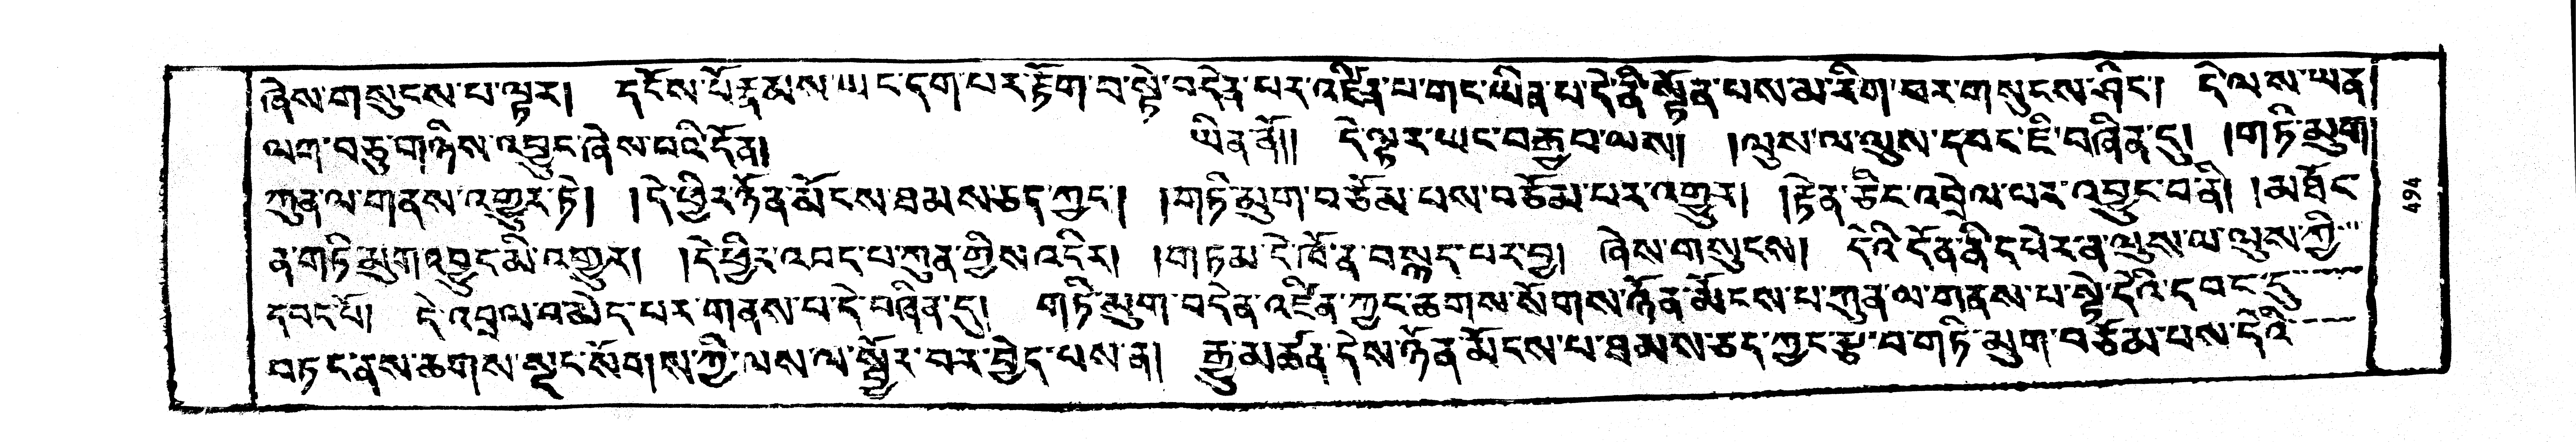ཞེས་གསུངས་པ་ལྟར། དངོས་པོ་རྣམས་ཡང་དག་པར་རྟོག་བ་སྟེ་བདེན་པར་འཛིན་པ་གང་ཡིན་པ་དེ་ནི་སྟོན་པས་མ་རིག་པར་གསུངས་ཤིང་། དེ་ལས་ཡན་
ལག་བཅུ་གཉིས་འབྱུང་ཞེས་པའི་དོན། ཡིན་ནོ། །དེ་ལྟར་ཡང་བརྒྱབ་ལས། །ལུས་ལ་ལུས་དབང་ཇི་བཞིན་དུ། །གཏི་མུག་
ཀུན་ལ་གནས་འགྱུར་ཏེ། །དེ་ཕྱིར་ཉོན་མོངས་ཐམས་ཅད་ཀྱང་། །གཏི་མུག་བཅོམ་པས་བཅོམ་པར་འགྱུར། །རྟེན་ཅིང་འབྲེལ་པར་འབྱུང་བ་ནི། །མཐོང་
ན་གཏི་མུག་འབྱུང་མི་འགྱུར། །དེ་ཕྱིར་འབད་པ་ཀུན་གྱིས་འདིར། །གཏམ་དེ་ཁོ་ན་བསྙད་པར་བྱ། ཞེས་གསུངས། དེའི་དོན་ནི་དཔེར་ན་ལུས་ལ་ལུས་ཀྱི་
དབང་པོ། དེ་འབྲལ་བ་མེད་པར་གནས་པ་དེ་བཞིན་དུ། གཏི་མུག་བདེན་འཛིན་ཀྱང་ཆགས་སོགས་ཉོན་མོངས་པ་ཀུན་ལ་གནས་པ་སྟེ་དེའི་དབང་དུ་
བཏང་ནས་ཆགས་སྡང་སོགས་ཀྱི་ལས་ལ་སྦྱོར་བར་བྱེད་པས་ན། རྒྱུ་མཚན་དེས་ཉོན་མོངས་པ་ཐམས་ཅད་ཀྱང་རྩ་བ་གཏི་མུག་བཅོམ་པས་དེའི་